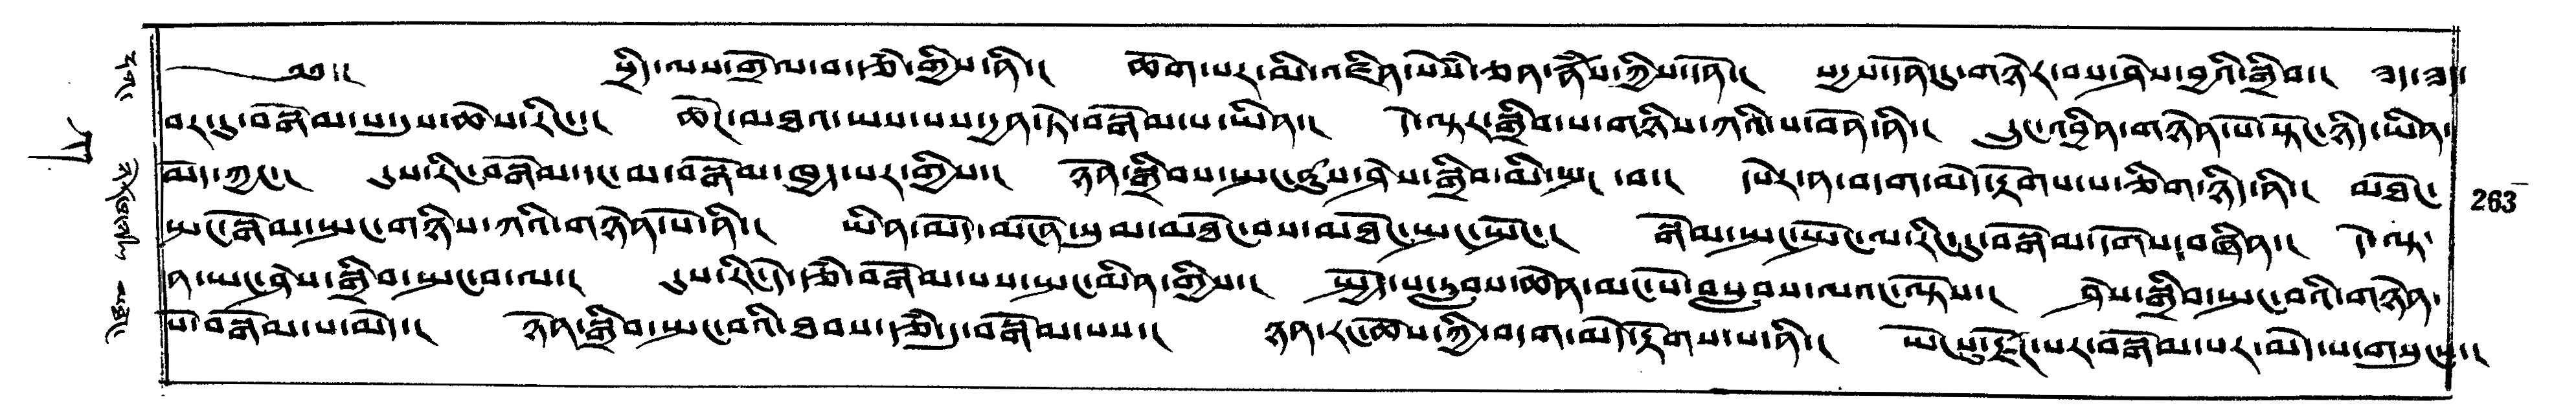སྲིད་ལས་གྲོལ་བ་ཙམ་གྱིས་ནི། །ཆོག་པར་མི་འཛིན་སེམས་ཅན་རྣམས་ཀྱི་དོན། །སངས་རྒྱས་དོན་དུ་གཉེར་བས་ཤེས་བྱའི་སྒྲིབ། །ཟད་ཟད་
བར་དུ་བསྒོམས་པ་དུས་ཆེས་རིང་། །ཚོགས་མཐའ་ཡས་པས་རྒྱན་ཏེ་བསྒོམ་པ་ཡིན། །དེ་ལྟར་སྒྲིབ་པ་གཉིས་ཀའི་ས་བོན་ནི། །དྲུང་འབྱིན་གཉེན་པོ་སྟོང་ཉིད་ཡིན་
མོད་ཀྱང་། །དུས་རིང་བསྒོམ་དང་མ་བསྒོམ་ཁྱད་པར་གྱིས། །ཉོན་སྒྲིབ་སྤང་ནུས་ཤེས་སྒྲིབ་མི་སྤང་བ། །དཔེར་ན་བདག་མེད་རྟོགས་པ་ཅིག་ཉིད་ནི། །མཐོང་
སྤང་སྒོམ་སྤང་གཉིས་ཀའི་གཉེན་པོ་ནི། །ཡིན་མོད་མངོན་སུམ་མཐོང་བས་མཐོང་སྤང་སྤོང་། །སྒོམ་སྤང་སྤོང་ལ་རིང་དུ་བསྒོམ་དགོས་བཞིན། །དེ་ལྟ་
ན་ཡང་ཤེས་སྒྲིབ་སྤང་བ་ལ། །དུས་རིང་དེ་ཙམ་བསྒོམ་པས་སྤང་མིན་གྱིས། །སྤྱོད་པ་རླབས་ཆེན་མང་པོ་བསླབས་ལའང་ལྟོས། །ཤེས་སྒྲིབ་སྤང་བའི་གཉེན་
པོ་བསྒོམ་པ་མེད། །ཉོན་སྒྲིབ་སྤང་བའི་ཐབས་ཙམ་དུ་བསྒོམ་པས། །ཉན་རང་ཆོས་ཀྱི་བདག་མེད་རྟོགས་པ་ནི། །ཡོངས་སུ་རྫོགས་པ་བསྒོམ་པ་མེད་པར་གསུངས། །